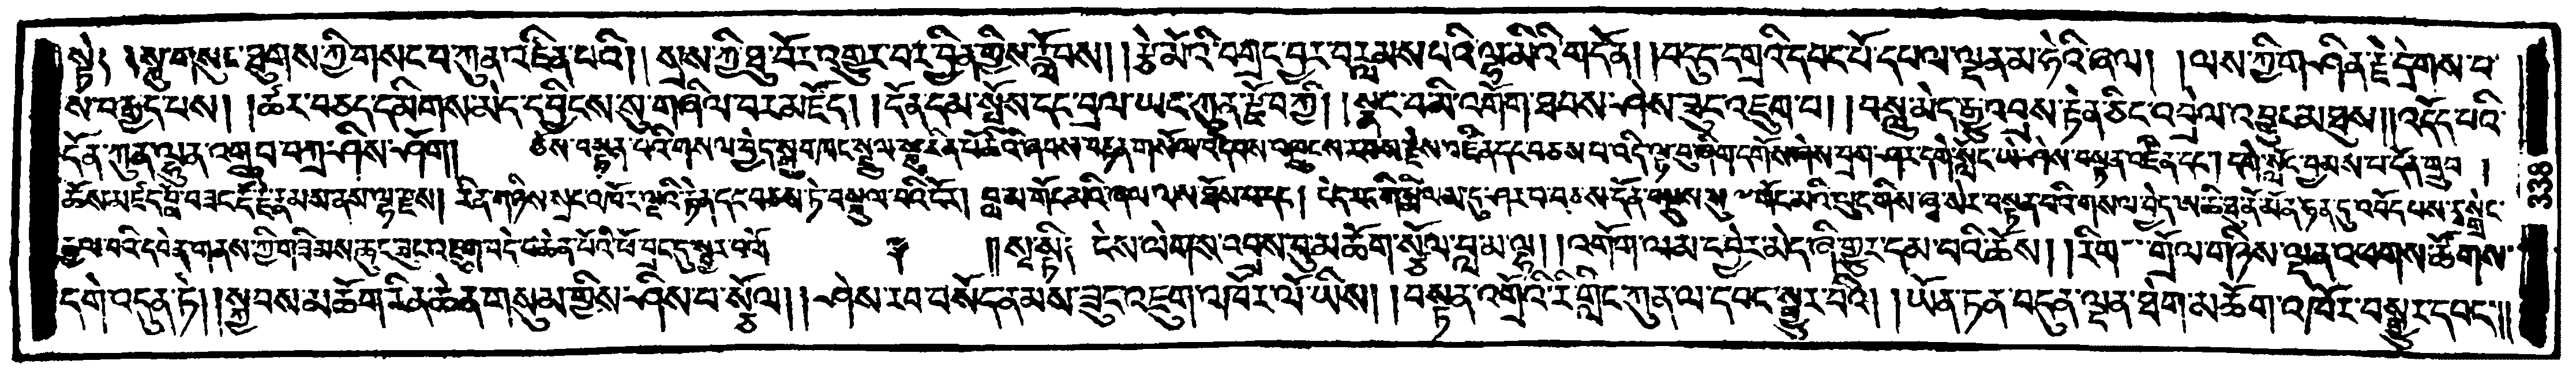སྟེ། །སྐུ་གསུང་ཐུགས་ཀྱི་གསང་བ་ཀུན་འཛིན་པའི། །སྲས་ཀྱི་ཐུ་བོར་འགྱུར་བར་བྱིན་གྱིས་རློབས། །རྩེ་མོའི་བགྲང་བྱར་བརླམས་པའི་ལྷ་མིའི་གདོན། །བདུད་དགྲའི་དབང་པོ་དཔལ་ལྡན་མ་ཧེའི་ཞལ། །ལས་ཀྱི་གཤིན་རྗེ་དྲེགས་པ་
ས་བརྒྱད་པས། །ཚར་བཅད་དམིགས་མེད་དབྱིངས་སུ་གཞིལ་བར་མཛོད། །དོན་དམ་སྤྲོས་དང་བྲལ་ཡང་ཀུན་རྫོབ་ཀྱི། །སྣང་བ་མི་འགོག་ཐབས་ཤེས་ཟུང་འཇུག་པ། །བསླུ་མེད་རྒྱུ་འབྲས་རྟེན་ཅིང་འབྲེལ་འབྱུང་མཐུས། །འདོད་པའི་
དོན་ཀུན་ལྷུན་འགྲུབ་བཀྲ་ཤིས་ཤོག །ཅེས་བསྟན་པའི་གསལ་བྱེད་སྒྲུབ་ཁང་སྤྲུལ་སྐུ་རིན་པོ་ཆེའི་ཞབས་བརྟན་གསོལ་འདེབས་འཁྲུངས་རབས་རྗེས་འཛིན་དང་བཅས་པ་འདི་ལྟ་བུ་ཞིག་དགོས་ཞེས་བྲག་ཤར་དགེ་སློང་ཡེ་ཤེས་བསྟན་འཛིན་དང་། དགེ་སློང་བྱམས་པ་དོན་གྲུབ།
ཆོས་མཛད་བློ་བཟང་རྡོ་རྗེ་རྣམས་ནས་ལྷ་རྫས། རིན་གཉིས་སྲང་འཁོར་ལྔའི་རྟེན་དང་བཅས་ཏེ་བསྐུལ་བའི་ངོར། བླ་མ་གོང་མའི་ཞལ་ལས་ཐོས་པ་དང་། ངེད་རང་གི་སྨི་ལམ་དུ་ཤར་བ་བཅས་དོན་བསྡུས་སུ ༧་གོང་མའི་ལུང་གིས་ཞྭ་སེར་བསྟན་པའི་གསལ་བྱེད་ཨ་ཆི་ཐུ་ནོ་མོན་ཧན་དུ་འབོད་པས་རྭ་སྒྲེང་
རྒྱལ་བའི་དབེན་གནས་ཀྱི་གཟིམས་ཆུང་ཟུང་འཇུག་བདེ་བ་ཆེན་པོའི་ཕོ་བྲང་དུ་སྦྱར་བའོ།། ༈ །།སྭ་སྟི། ངེས་ལེགས་འབྲས་བུ་མཆོག་སྩོལ་བླ་མ་ལྷ། །འགོག་ལམ་དབྱེར་མེད་ཞི་གྱུར་དམ་པའི་ཆོས། །རིག་གྲོལ་གཉིས་ལྡན་འཕགས་ཚོགས་
དགེ་འདུན་ཏེ། །སྐྱབས་མཆོག་རིན་ཆེན་གསུམ་གྱིས་ཤིས་པ་སྩོལ། །ཤེས་རབ་བསོད་ནམས་ཟུང་འཇུག་འཁོར་ལོ་ཡིས། །བསྟན་འགྲོའི་རི་གླིང་ཀུན་ལ་དབང་སྒྱུར་བའི། །ཡོན་ཏན་བདུན་ལྡན་ཐེག་མཆོག་འཁོར་བསྒྱུར་དབང།།